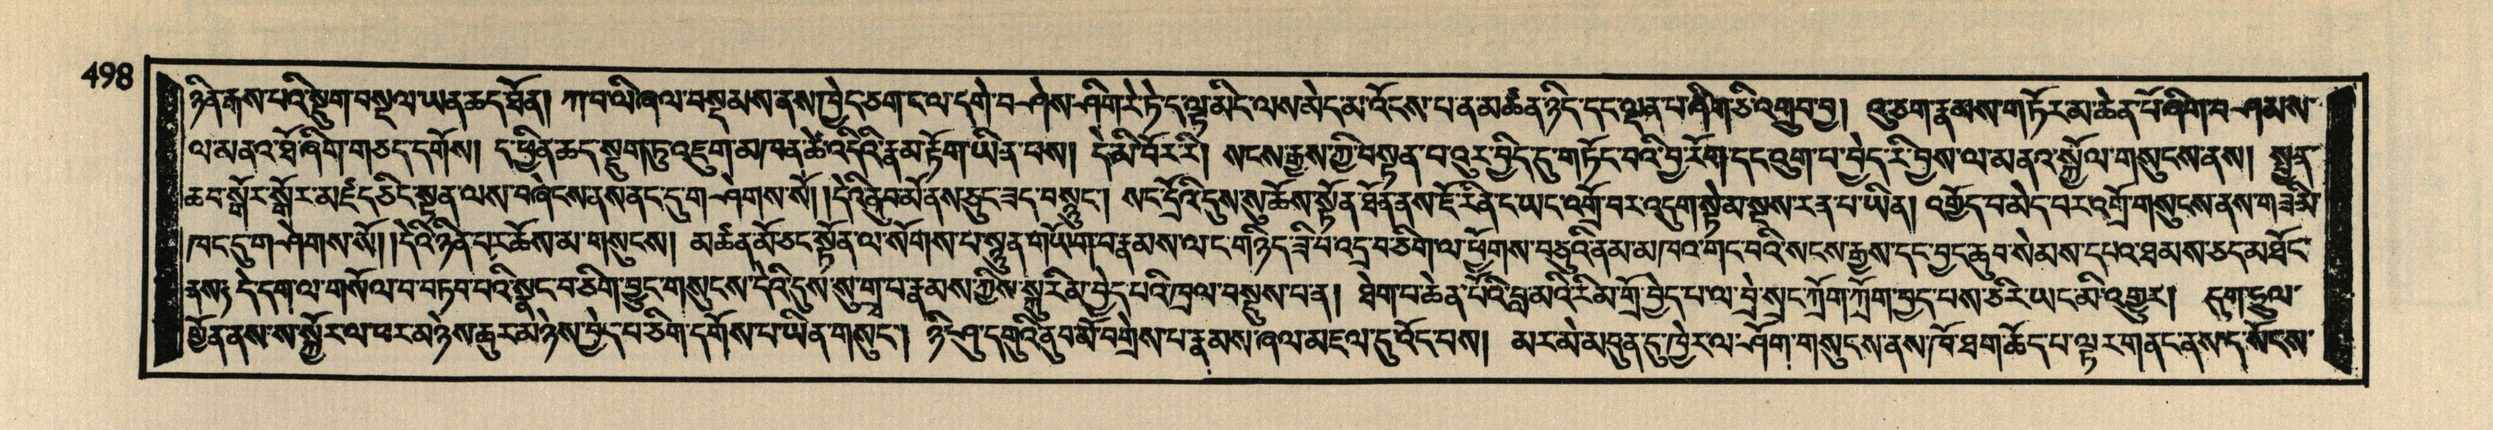ཉིན་རྒས་པའི་སྡུག་བསྔལ་ཡན་ཆད་ཐོན། ཀ་བ་ལི་ཞལ་བསྡམས་ནས་ཁྱེད་ཅག་ང་ལ་དགེ་བཤེས་ཤིག་རེ་ཏེ་ད་ལྟ་མིང་ལས་མེད་མ་འོངས་པ་ན་མཚན་ཉིད་དང་ལྡན་པ་ཞིག་ཅི་འགྲུབ་བྱ། འུ་ཅག་རྣམས་གཏོར་མ་ཆེན་པོ་ཞིག་བཤམས་
ལ་མནའ་ཐོ་ཞིག་གཅད་དགོས། ད་ཕྱིན་ཆད་སྡུག་ཏུ་འཇུག་མཁན་ཚེ་འདིའི་རྣམ་རྟོག་ཡིན་པས། དེ་མི་བོར་རི། སངས་རྒྱས་ཀྱི་བསྟན་བ་འུར་བྱིད་དུ་གཏོང་བའི་བྱ་རོག་དང་འུག་པ་བྱེད་རི་བྱས་ལ་མནའ་སྐྱོལ་གསུངས་ནས། སྤྱན་
ཆབ་སྒོར་སྒོར་མཛད་ཅིང་སྟན་ལས་བཞེངས་ནས་ནང་དུ་གཤེགས་སོ། །དེའི་ནུབ་མོ་ནས་ཅུང་ཟད་བསྙུང་། སང་དྲོའི་དུས་སུ་ཆོས་སྟོན་ཐོན་ནས་ཇོ་རིན་ང་ཡང་འགྲོ་བར་འདུག་སྟེ་མ་སྔས་རན་པ་ཡིན། འགྱོད་པ་མེད་པར་འགྲོ་གསུངས་ནས་གཟིམ་
ཁང་དུ་གཤེགས་སོ། །དེའི་ཉིན་པར་ཆོས་མ་གསུངས། མཚན་མོ་ཅང་སྟོན་ལ་སོགས་པ་སྙུན་གཡོག་བ་རྣམས་ལ་ང་གཉིད་ཟི་བ་འདྲ་བ་ཅིག་ལ་ཕྱོགས་བཅུའི་ནམ་མཁའ་གང་བའི་སངས་རྒྱས་དང་བྱང་ཆུབ་སེམས་དཔའ་ཐམས་ཅད་མཐོང་
ནས༑ དེ་དག་ལ་གསོལ་བ་བཏབ་པའི་སྣང་བ་ཅིག་བྱུང་གསུངས་དེའི་དུས་སུ་གྲྭ་པ་རྣམས་ཀྱིས་སྐུ་རིམ་བྱེད་པའི་ཁྲལ་བསྡུས་པ་ན། ཐེག་པ་ཆེན་པོའི་བླ་མའི་རིམ་གྲོ་བྱེད་པ་ལ་བྲེ་སྲང་ཀྲོག་ཀྲོག་བྱད་པས་ཅིར་ཡང་མི་འགྱུར། དུག་ཧྲུལ་
གྱོན་ནས་ས་སྐྱོང་ལ་ཕར་མཉེས་ཆུར་མཉེས་བྱེད་པ་ཅིག་དགོས་པ་ཡིན་གསུང་། ཉི་ཤུ་དགུའི་ནུབ་མོ་བགྲེས་པ་རྣམས་ཞལ་མཇལ་དུ་འོང་བས། མར་མེ་མདུན་དུ་ཁྱེར་ལ་ཤོག་གསུངས་ནས་ཁོ་ཐག་ཆོད་པ་ལྟར་གནང་ནས་ད་སོངས་